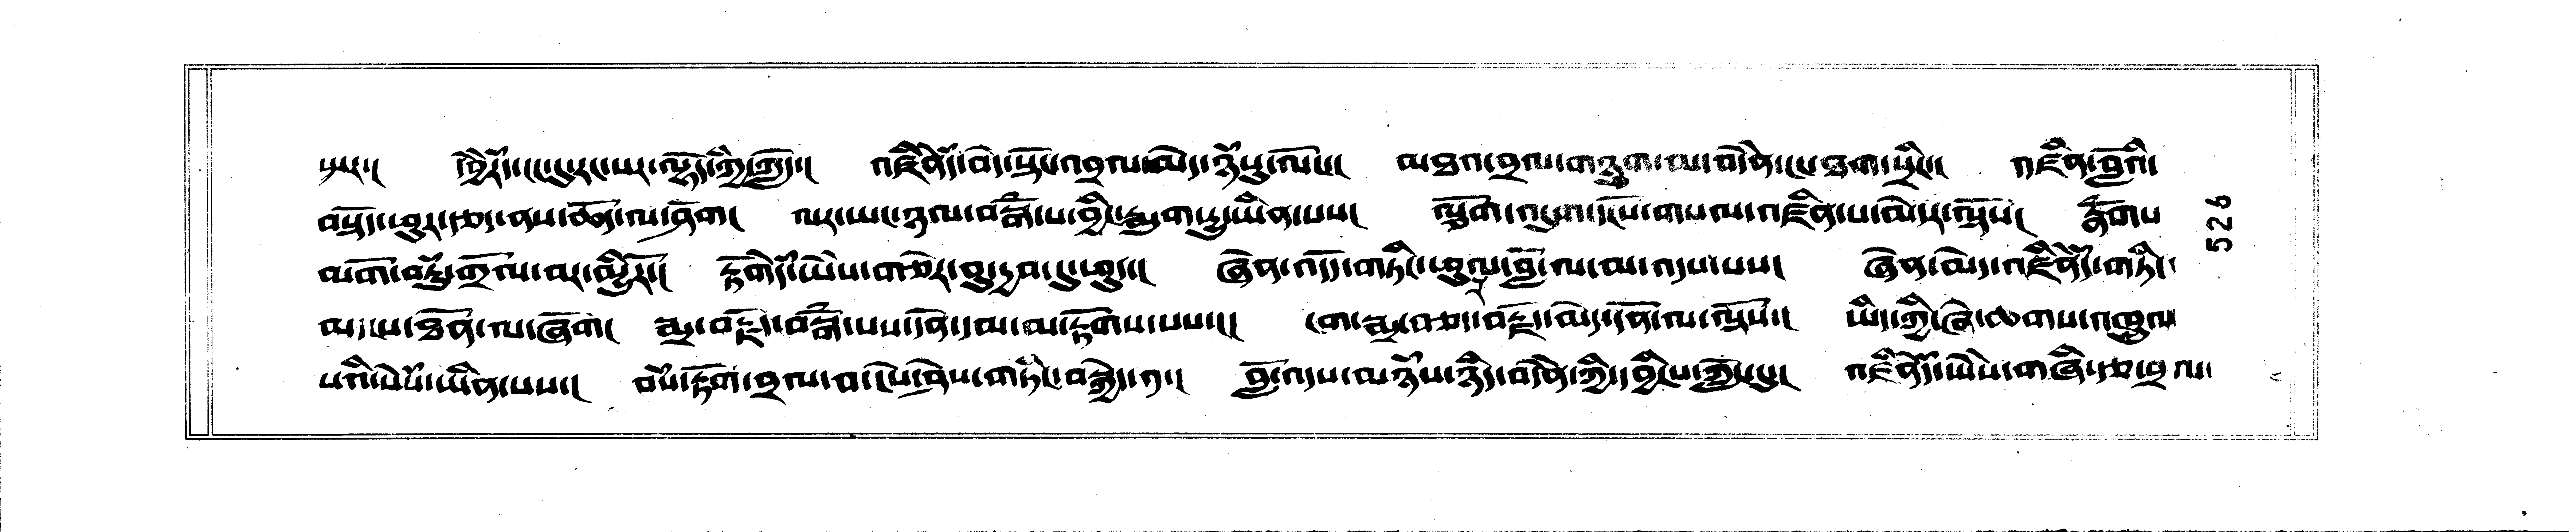སྤོར། བྱར་མེད་ངང་དུ་རང་སར་ལྷོད་ཀྱི་ཀློད། འཛིན་མེད་བདེ་སྟོང་འབྲལ་མེད་ཉམས་སུ་ལོང་། མཐའ་བྲལ་གཉུག་མ་བདེ་ཆེན་ངང་ཐག་བསྲིང་། འཛིན་བློའི་
བསྟོད་༼བརྟོད༽ཕུར་རྩད་ནས་ཆོད་ལ་ཞོག རྗར་ཉལ་སྒོམ་པ་བྱིང་རྨུག་རྒྱུ་ཡིན་པས། ཅོག་འདུག་དང་གསལ་འཛིན་ལ་མེད་པར་ལྟོས། རྣམ་རྟོག་
གྷོ་(མགོ)བཏུམ་གྲོལ་བར་མི་གྱུར་བས། རྟོག་མེད་ཡེ་ཤེས་གཅེར་བུར་རྒྱབ་ཏུ་ཕུད། ཞེན་འདོད་གཏིང་ཕུར་བློ་ལ་མི་འདས་པས། ཞེན་མེད་འཛིན་མེད་གཏིང་
མདངས་ཐོན་ལ་ཞོག སྨྲ་བརྗོད་བསྒོམ་པའི་དོན་དམ་མི་རྟོགས་པས། ངག་སྨྲ་བཅད་སྟེ་བརྗོད་མེད་དོན་ལ་ལྟོས། ཡིད་ཀྱི་ཞེན་ཆགས་འཁྲུལ་
པའི་སེམས་ཡིན་པས། བསམ་རྟོག་བྲལ་བར་ངེས་ཤེས་གཏིང་བྷེད་(འབད)ཅིག བློ་འདས་མཉམ་ཉིད་བདེ་ཆེན་དབྱིངས་སུ་ཀློད། འཛིན་མེད་ཡེ་ཤེས་གཞི་རྩ་བྲལ་